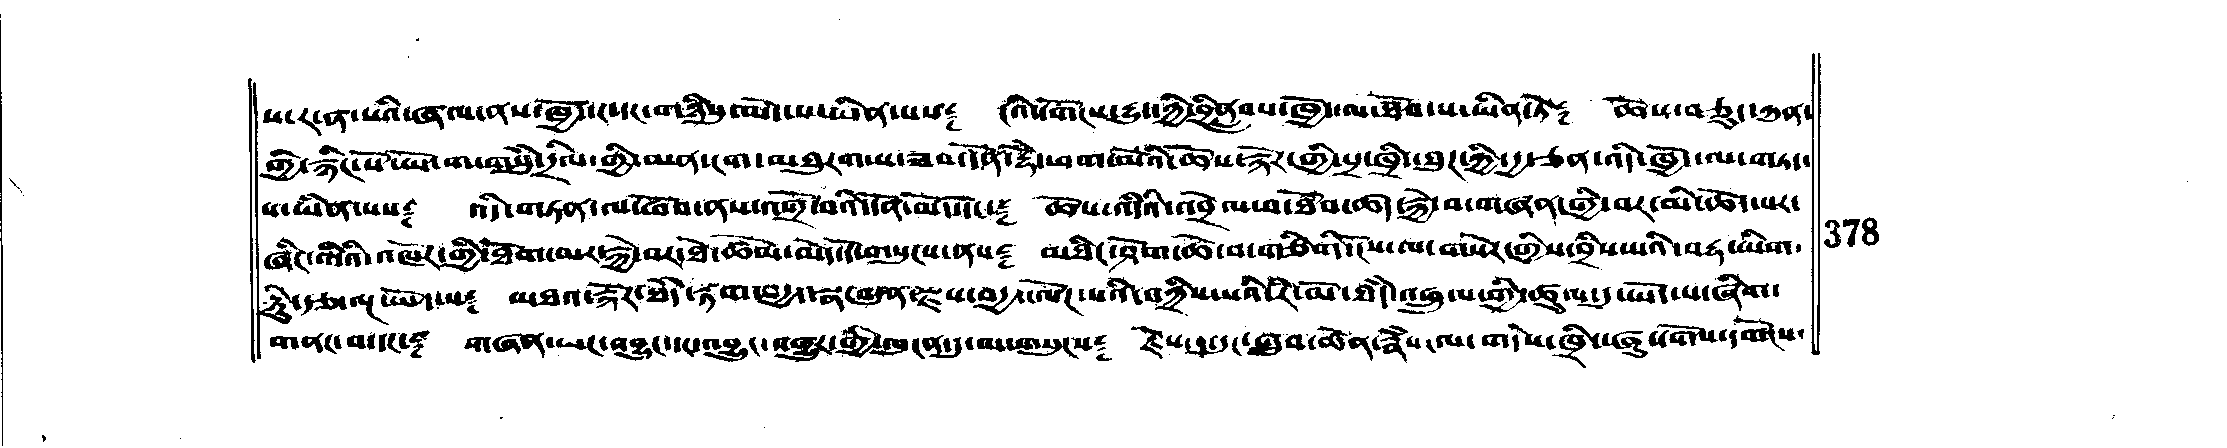ས་ར་ཧ་པའི་ཞལ་ནས་ཁྱོད་ང་དང་གཉིས་སུ་མེད་པ་ཡིན་པས། ངའི་དགོངས་རྒྱུད་ཀྱི་བྱིན་རླབས་ཁྱོད་ལ་ཐོབ་པ་ཡིན་ཏེ། ཆོས་བཅུད་ཀུན་
གྱི་སྙིང་པོ་ཡོ་ག་གསུམ་དྲིལ་གྱི་མན་ངག་མཐར་ཐུག་པ་ཟབ་དོན་རྡོ་རྗེ་ཕག་མོའི་ཆོས་སྐོར་གྱི་པྲ་ཁྲིད་ཐུགས་ཀྱི་རྒྱ་ཅན་འདི་ཁྱོད་ལ་གཏད་
པ་ཡིན་པས། འདི་གཏན་ལ་ཕོབ་ནས་འགྲོ་བའི་དོན་མཛོད་དང་། ཆོས་འདིའི་འབྲེལ་བ་ཐོབ་ཚད་སྐྱེ་བ་གཞན་གྱི་བར་མི་ཆོད་པར་
ཞིང་འདིའི་འཁོར་གྱི་ཐོག་མར་སྐྱེ་བར་ཐེ་ཚོམ་མེད་དོ་གསུངས་ནས། མཐིང་ཤོག་ཆེ་བ་གཅིག་གི་ངོས་ལ་གསེར་གྱིས་བྲིས་པའི་བརྡ་ཡིག་
ཉི་ཤུ་རྩ་ལྔ་ཡོད་པ། མཐའ་སྐོར་ཐམས་ཅད་རྟག་བརྒྱད་སྣ་བདུན་རྫས་བརྒྱད་ལ་སོགས་པའི་བཀྲ་ཤིས་པའི་རི་མོ་ཐམས་ཅད་འཕྲུལ་གྱི་ཚུལ་དུ་ཡོད་པ་ཞིག་
གནང་བ་དང་། གཞན་ཡང་འབྱུང་དང་འབྱུང་འགྱུར་གྱི་ལུང་བསྟན་དུ་མ་གསུངས། རྗེས་ད་དུང་གྲུབ་ཆེན་རྣམས་ལ་གདམས་ཁྲིད་ཞུ་དགོས་དགོངས་